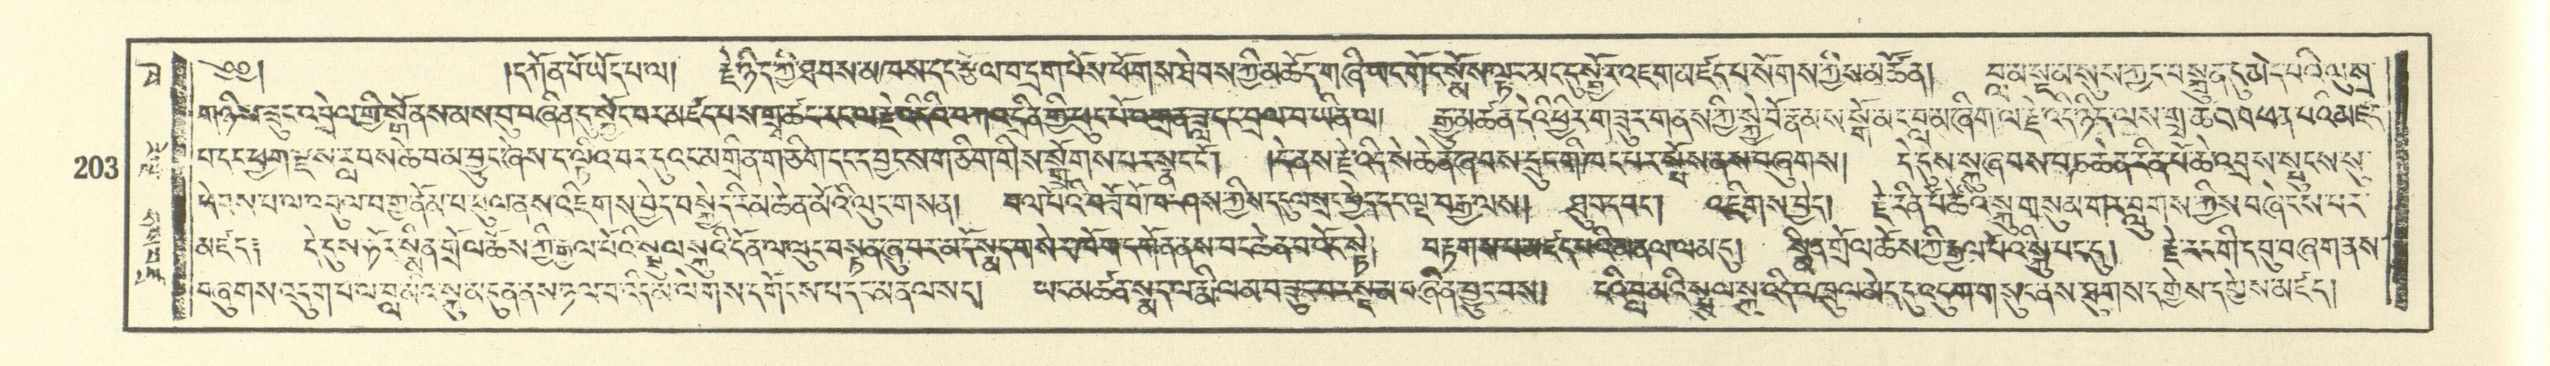༄༅། །དཀོན་པོ་ཡོད་པ་ལ། རྗེ་ཉིད་ཀྱི་ཐབས་མཁས་དང་རྩོལ་བ་དྲག་པོས་ཕོགས་ཐེབས་ཀྱི་མཆོད་གཞི་ཡང་གོང་སྨོས་ལྟར་མང་དུ་སྦྱོར་འཇག་མཛད་པ་སོགས་ཀྱིས་མཚོན། བླ་མ་སྔ་མ་སུས་ཀྱང་བསྐྲུན་དུ་མེད་པའི་ལུགས་
གཉིས་ཟུང་འབྲེལ་གྱི་སྒོ་ནས་མས་བུ་བཞིན་དུ་སྐྱོང་བར་མཛད་པས་གྲྭ་ཚང་རང་ལ་རྗེ་འདིའི་བཀའ་དྲིན་གྱི་ཕུང་པོ་འགྲན་ཟླ་དང་བྲལ་བ་ཡིན་ལ། རྒྱུ་མཚན་དེའི་ཕྱིར་གཟུར་གནས་ཀྱི་སྐྱེ་བོ་རྣམས་སྒོ་མང་བླ་མ་ཞིག་ལ་རྗེ་འདི་ཉིད་ལས་གྲྭ་ཚང་ལ་ཕན་པའི་མཛད་
པ་དང་ཕྱག་རྫས་རླབས་ཆེ་བ་མ་བྱུང་ཞེས་ད་ལྟའི་བར་དུའང་མགྲིན་གཅིག་དང་དབྱངས་གཅིག་གིས་སྒྲོགས་པར་སྣང་ནོག། །དེ་ནས་རྗེ་འདི་སེ་ཆེན་ཞབས་དྲུང་གི་ཁང་པར་སྤོས་ནས་བཞུགས། དེ་དུས་སྐུ་ཞབས་པཎ་ཆེན་རིན་པོ་ཆེ་འབྲས་སྤུངས་སུ་
ཕེབས་པ་ལ་འབུལ་བ་གྱ་ནོམ་པ་ཕུལ་ནས་འཇིགས་བྱེད་བསྐྱེད་རིམ་ཆེན་མོའི་ལུང་གསན། བལ་པོའི་བཟོ་བོ་ཁ་ཤས་ཀྱིས་དངུལ་སྲང་ཕྱེད་དང་ལྔ་བརྒྱ་ལས། ཐུབ་དབང་། འཇིགས་བྱེད། རྗེ་རིན་པོ་ཆེའི་སྐུ་གསུམ་གར་བླུགས་ཀྱིས་བཞེངས་པར་
མཛད༑ དེ་དུས་ཧོར་སྨིན་གྲོལ་ཆོས་ཀྱི་རྒྱལ་པོའི་སྤྲུལ་སྐུའི་དོན་ལ་ལུང་བསྟན་ཞུ་བར་མདོ་སྨད་གསེར་ཁོག་དགོན་ནས་བང་ཆེན་པ་འོང་སྟེ། བརྟགས་པ་མཛད་པའི་མནལ་ལམ་དུ། སྨིན་གྲོལ་ཆོས་ཀྱི་རྒྱལ་པོའི་སྐུ་བང་དུ། རྗེ་རང་གི་དབུ་བཞག་ནས་
བཞུགས་འདུག་པ་ལ་བླ་མའི་སྐུ་མདུན་ནས་ཉལ་བ་འདི་མ་ལེགས་དགོངས་པ་དང་མནལ་སང་། ཡང་མཚན་སྨད་ལ་རྨི་ལམ་བཟུང་བར་སྡམ་བཞིན་བྱུང་བས། ངའི་བླ་མའི་སྤྲུལ་སྐུ་འདི་འཁྲུལ་མེད་དུ་འདུག་གསུང་ནས་ཐུགས་དགྱེས་དགྱེས་མཛད།